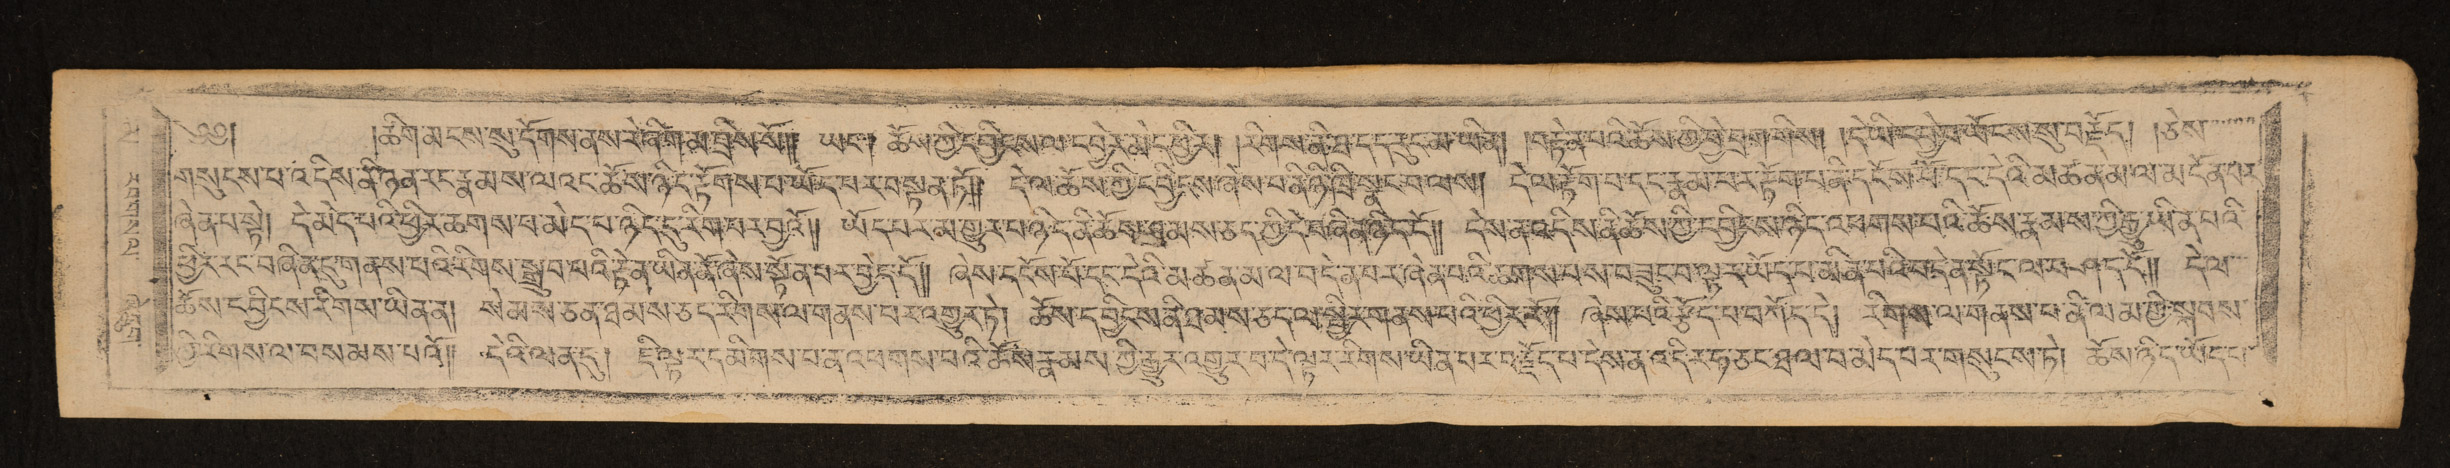༄༅། །ཚིག་མངས་སུ་དོགས་ནས་རེ་ཞིག་མ་བྲིས་སོ།། ཡང་། ཆོས་ཀྱི་དབྱིངས་ལ་དབྱེར་མེད་ཕྱིར། །རིགས་ནི་ཐ་དད་རུང་མ་ཡིན། །བརྟེན་པའི་ཆོས་ཀྱི་བྱེ་བྲག་གིས། །དེ་ཡི་དབྱེ་བ་ཡོངས་སུ་བརྗོད། །ཅེས་
གསུངས་པ་འདིས་ནི་ཉན་རང་རྣམས་ལའང་ཆོས་ཉིད་རྟོགས་པ་ཡོད་པར་བསྟན་ནོ།། དེ་ལ་ཆོས་ཀྱི་དབྱིངས་ཞེས་པ་ནི་ཉི་ཁྲི་སྣང་བ་ལས། དེ་ལ་རྟོག་པ་དང་རྣམ་པར་རྟོག་པ་ནི་དངོས་པོ་དང་དེའི་མཚན་མ་ལ་མངོན་པར་
ཞེན་པ་སྟེ། དེ་མེད་པའི་ཕྱིར་ཆགས་པ་མེད་པ་ཉིད་དུ་རིག་པར་བྱའོ།། ཡོད་པར་མ་གྱུར་པ་ཉིད་ནི་ཆོས་ཐམས་ཅད་ཀྱི་དེ་བཞིན་ཉིད་དོ།། དེས་ན་འདིས་ནི་ཆོས་ཀྱི་དབྱིངས་ཉིད་འཕགས་པའི་ཆོས་རྣམས་ཀྱི་རྒྱུ་ཡིན་པའི་
ཕྱིར་རང་བཞིན་དུ་གནས་པའི་རིགས་སྒྲུབ་པའི་རྟེན་ཡིན་ནོ་ཞེས་སྟོན་པར་བྱེད་དོ།། ཞེས་དངོས་པོ་དང་དེའི་མཚན་མ་ལ་བདེན་པར་ཞེན་པའི་ཆགས་པས་བཟུང་བ་ལྟར་ཡོད་པ་མིན་པའི་བདེན་སྟོང་ལ་བཤད་དོ།། དེ་ལ་
ཆོས་དབྱིངས་རིགས་ཡིན་ན། སེམས་ཅན་ཐམས་ཅད་རིགས་ལ་གནས་པར་འགྱུར་ཏེ། ཆོས་དབྱིངས་ནི་ཐམས་ཅད་ལ་སྤྱིར་གནས་པའི་ཕྱིར་རོ།། ཞེས་པའི་རྩོད་པ་བཀོད་དེ། རིགས་ལ་གནས་པ་ནི་ལམ་གྱི་སྐབས་
ཀྱི་རིགས་ལ་བསམས་པའོ།། དེའི་ལན་དུ། ཇི་ལྟར་དམིགས་པ་ན་འཕགས་པའི་ཆོས་རྣམས་ཀྱི་རྒྱུར་འགྱུར་བ་དེ་ལྟར་རིགས་ཡིན་པར་བརྗོད་པ་དེས་ན་འདིར་ཧ་ཅང་ཐལ་བ་མེད་པར་གསུངས་ཏེ། ཆོས་ཉིད་ཡོད་པ་